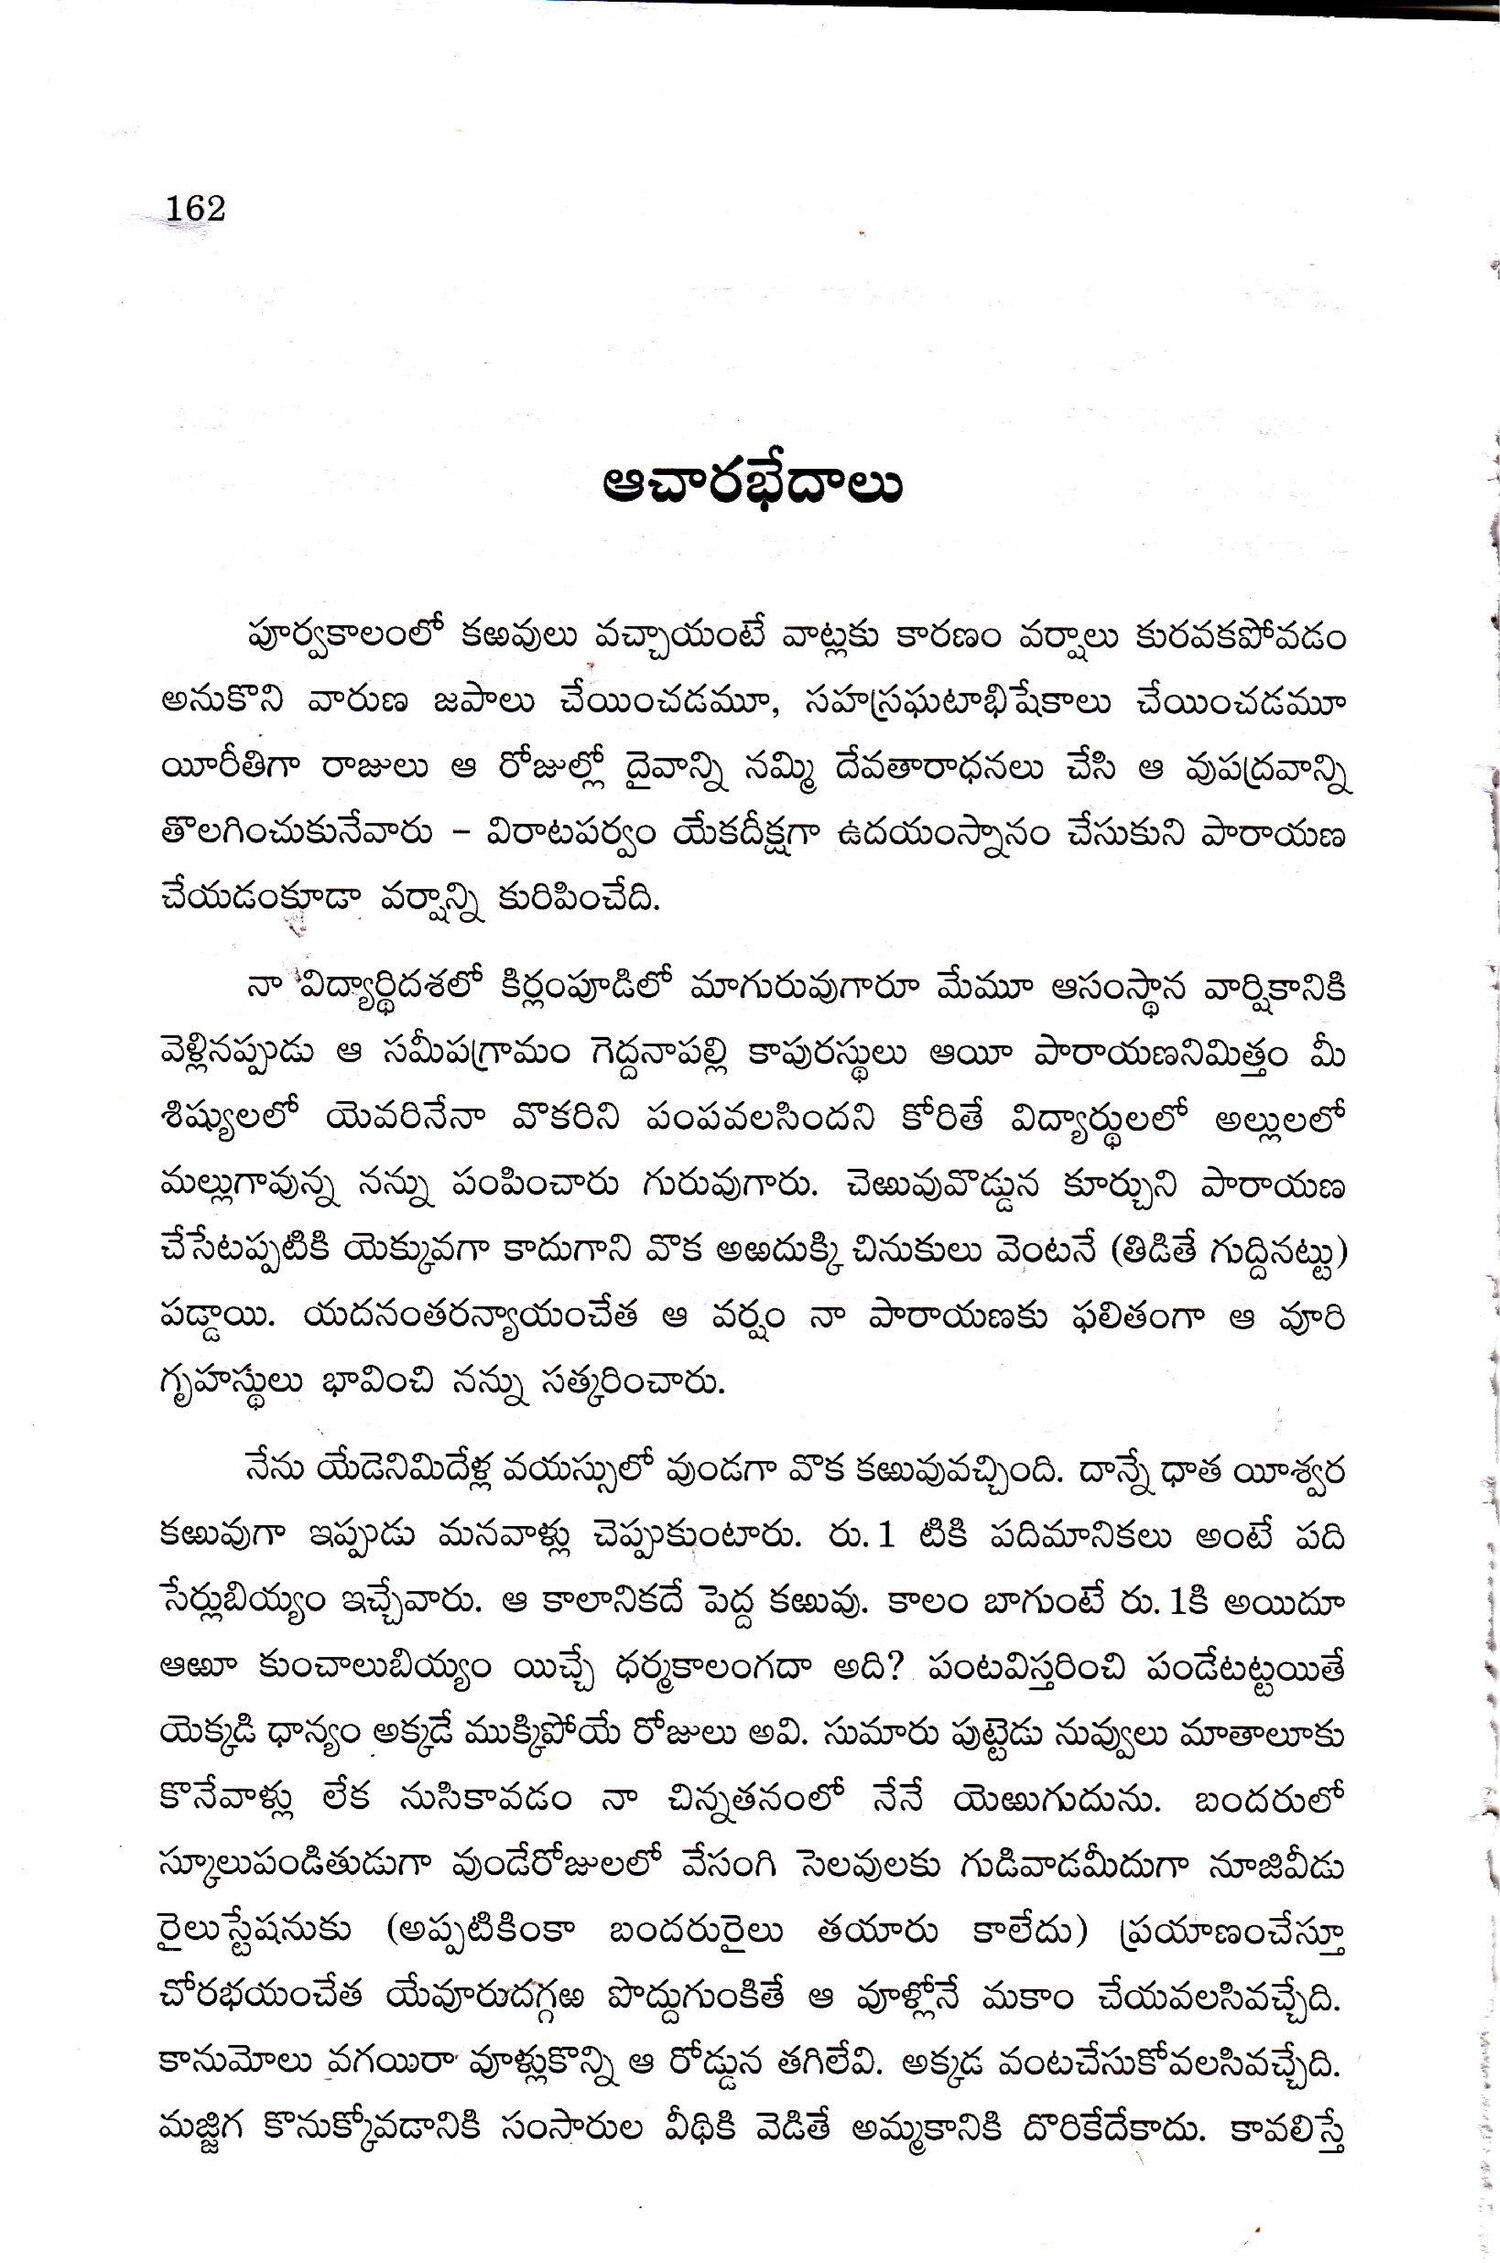పూర్వకాలంలో కఱవులు వచ్చాయంటే వాట్లకు కారణం వర్షాలు కురవకపోవడం అనుకొని వారుణ జపాలు చేయించడమూ, సహస్రఘటాభిషేకాలు చేయించడమూ యీరీతిగా రాజులు ఆ రోజుల్లో దైవాన్ని నమ్మి దేవతారాధనలు చేసి ఆ వుపద్రవాన్ని తొలగించుకునేవారు - విరాటపర్వం యేకదీక్షగా ఉదయంస్నానం చేసుకుని పారాయణ చేయడంకూడా వర్షాన్ని కురిపించేది.

నా విద్యార్థిదశలో కిర్లంపూడిలో మాగురువుగారూ మేమూ ఆసంస్థాన వార్షికానికి వెళ్లినప్పడు ఆ సమీపగ్రామం గెద్దనాపల్లి కాపురస్థులు ఆయీ పారాయణనిమిత్తం మీ శిష్యులలో యెవరినేనా వొకరిని పంపవలసిందని కోరితే విద్యార్థులలో అల్లులలో మల్లుగావున్న నన్ను పంపించారు గురువుగారు. చెఱువువొడ్డున కూర్చుని పారాయణ చేసేటప్పటికి యెక్కువగా కాదుగాని వొక అఱదుక్కి చినుకులు వెంటనే (తిడితే గుద్దినట్టు) పడ్డాయి. యదనంతరన్యాయంచేత ఆ వర్షం నా పారాయణకు ఫలితంగా ఆ వూరి గృహస్థులు భావించి నన్ను సత్కరించారు.

నేను యేడెనిమిదేళ్ల వయస్సులో వుండగా వొక కఱువువచ్చింది. దాన్నే ధాత యీశ్వర కఱువుగా ఇప్పుడు మనవాళ్లు చెప్పుకుంటారు. రు.1 టికి పదిమానికలు అంటే పది సేర్లుబియ్యం ఇచ్చేవారు. ఆ కాలానికదే పెద్ద కఱువు. కాలం బాగుంటే రు.1కి అయిదూ ఆఱూ కుంచాలుబియ్యం యిచ్చే ధర్మకాలంగదా అది? పంటవిస్తరించి పండేటట్టయితే యెక్కడి ధాన్యం అక్కడే ముక్కిపోయే రోజులు అవి. సుమారు పుట్టెడు నువ్వులు మాతాలూకు కొనేవాళ్లు లేక నుసికావడం నా చిన్నతనంలో నేనే యెఱుగుదును. బందరులో స్కూలుపండితుడుగా వుండేరోజులలో వేసంగి సెలవులకు గుడివాడమీదుగా నూజివీడు రైలు స్టేషనుకు (అప్పటికింకా బందరురైలు తయారు కాలేదు) ప్రయాణంచేస్తూ చోరభయంచేత యేవూరుదగ్గఱ పొద్దుగుంకితే ఆ వూళ్లోనే మకాం చేయవలసివచ్చేది. కానుమోలు వగయిరా వూళ్లుకొన్ని ఆ రోడ్డున తగిలేవి. అక్కడ వంటచేసుకోవలసివచ్చేది. మజ్జిగ కొనుకోవడానికి సంసారుల వీధికి వెడితే అమ్మకానికి దొరికేదేకాదు. కావలిస్తే